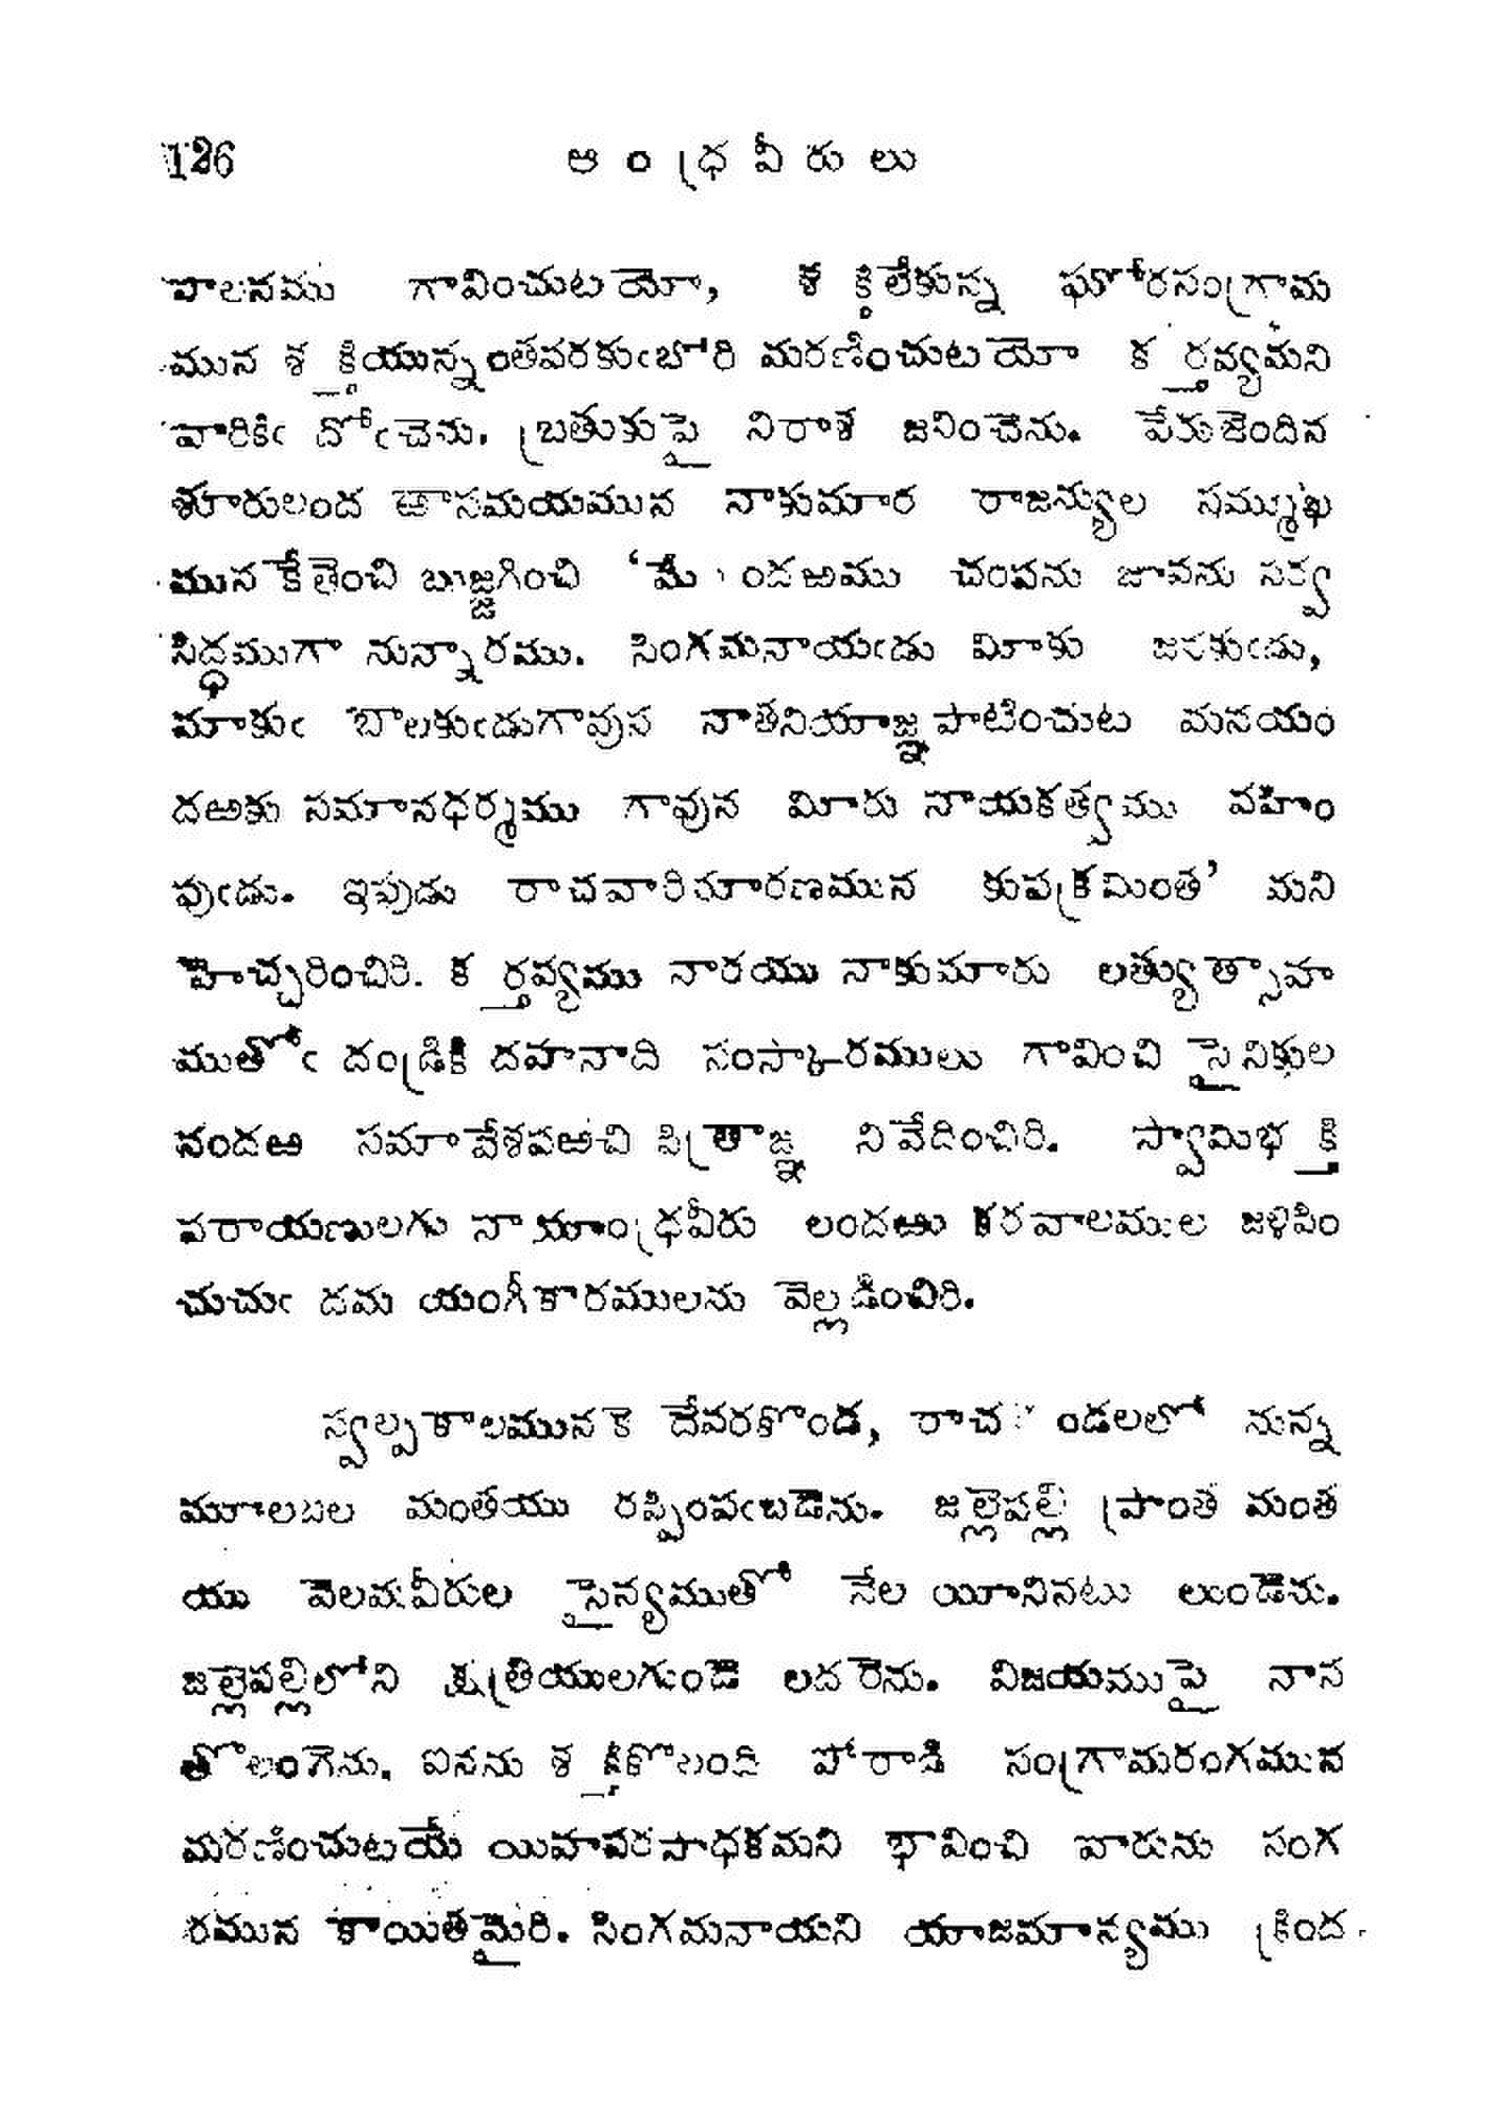పాలనము గావించుటయో, శక్తిలేకున్న ఘోరసంగ్రామమున శక్తియున్నంతవరకు బోరి మరణించుటయో కర్తవ్యమని వారికి దోచెను. బ్రతుకుపై నిరాశ జనించెను. పేరుజెందిన శూరలంద ఱాసమయమున నాకుమార రాజన్యుల సమ్ముఖమున కేతెంచి బుజ్జగించి 'మేమందఱము చంపను జావను సర్వ సిద్ధముగా నున్నారము. సింగమనాయడు మీకు జనకుడు, మాకు బాలకుడుగావున నాతనియాజ్ఞపాటించుట మనయందఱకు సమానధర్మము గావున మీరు నాయకత్వము వహింపుడు. ఇపుడు రాచవారిమారణమున కుపక్రమింత' మని హెచ్చరించిరి. కర్తవ్యము నారయు నాకుమారు లత్యుత్సాహముతో దండ్రికి దహనాది సంస్కారములు గావించి సైనికుల నందఱ సమావేశపఱచి పిత్రాజ్ఞ నివేదించిరి. స్వామిభక్తి పరాయణులగు నాయాంధ్రవీరు లందఱు కరవాలముల జళిపించుచు దమ యంగీకారములను వెల్లడించిరి.

స్వల్పకాలమునకె దేవరకొండ, రాచకొండలలో నున్న మూలబల మంతయు రప్పింపబడెను. జల్లెపల్లి ప్రాంత మంతయు వెలమవీరుల సైన్యముతో నేల యీనినటు లుండెను. జల్లెపల్లిలోని క్షత్రియులగుండె లదరెను. విజయముపై నాస తొలంగెను. ఐనను శక్తికొలది పోరాడి సంగ్రామరంగమున మరణించుటయే యిహపరసాధకమని భావించి వారును సంగరమున కాయితమైరి. సింగమనాయని యాజమాన్యము క్రింద